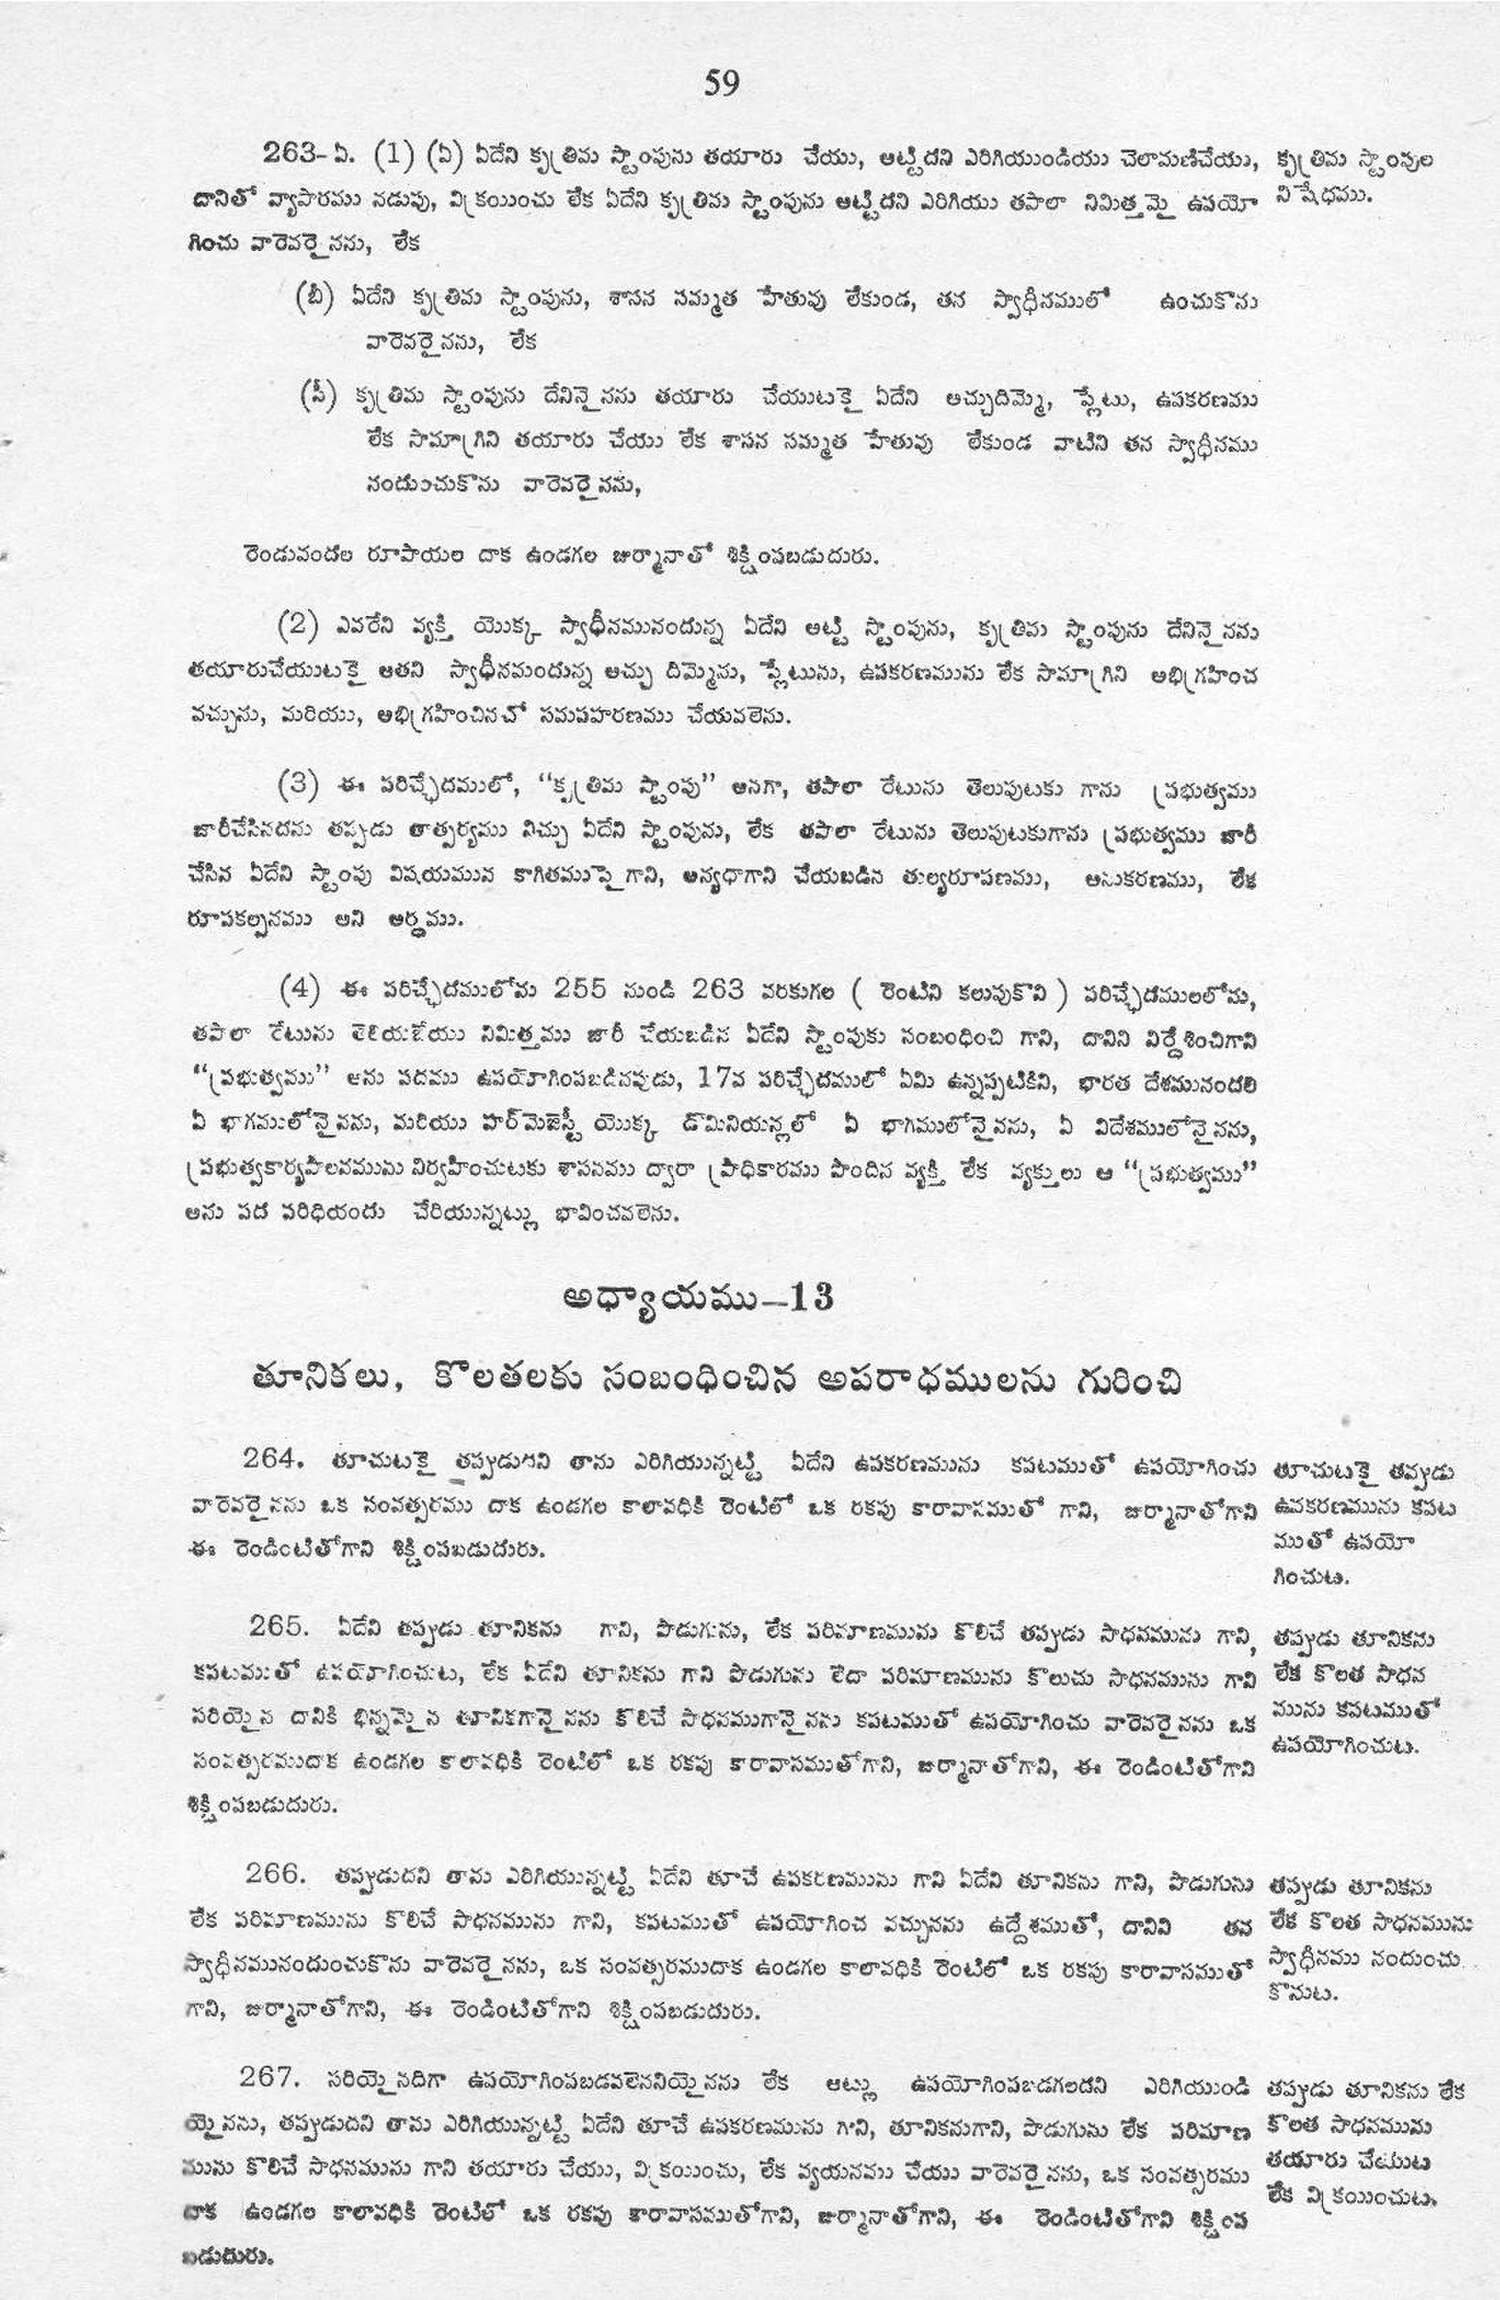కృత్రిమ స్టాంపుల నిషేధము.

263-ఏ. (1) (ఏ) ఏదేని కృత్రిమ స్టాంపును తయారు చేయు, ఆట్టిదని ఎరిగియుండియు చెలామణిచేయు, దానితో వ్యాపారము నడుపు, విక్రయించు లేక ఏదేని కృత్రిను స్టాంపును అట్టిదని ఎరిగియు తపాలా నిమిత్తమై ఉపయోగించు వారెవరైనను, లేక

(బి) ఏదేని కృత్రిమ స్టాంపును, శాసన సమ్మత హేతువు లేకుండ, తన స్వాధీనములో ఉంచుకొను వారెవరైనను, లేక

(సీ) కృత్రిమ స్టాంపును దేనినైనను తయారు చేయుటకై ఏదేని అచ్చుదిమ్మె, ప్లేటు, ఉపకరణము లేక సామాగ్రిని తయారు చేయు లేక శాసన సమ్మత హేతువు లేకుండ వాటిని తన స్వాధీనము నందుంచుకొను వారెవరైనను,

రెండువందల రూపాయల దాక ఉండగల జుర్మానాతో శిక్షింపబడుదురు.

(2) ఎవరేని వ్యక్తి యొక్క స్వాధీనమునందున్న ఏదేని అట్టి స్టాంపును, కృత్రిము స్టాంపును దేనినైనను తయారుచేయుటకై ఆతని స్వాధీనమందున్న అచ్చు దిమ్మెను, ప్లేటును, ఉపకరణమును లేక సామాగ్రి అభి గ్రహించవచ్చును, మరియు, అభిగ్రహించినచో సమపహరణము చేయవలెను,

(3) ఈ పరిచ్ఛేదములో, “కృత్రిమ స్టాంపు" అనగా, తపాలా రేటును తెలుపుటకు గాను ప్రభుత్వము జారీచేసిన దను తప్పుడు తాత్పర్యము నిచ్చు ఏదేని స్టాంపును, లేక తపాలా రేటును తెలుపుటకుగాను ప్రభుత్వము జారీ చేసిన ఏదేని స్టాంపు విషయమున కాగితము పై గాని, అన్యధా గాని చేయబడిన తుల్యరూపణము, అనుకరణము, లేక రూపకల్పనము అని అర్థము.

(4) ఈ పరిచ్ఛేదములోను 255 నుండి 263 వరకుగల ( రెంటిని కలుపుకొని ) పరిచ్ఛేడములలోను,
తపాలా రేటును TE :యు నివి:
తము జారీ చేయబడిన ఏదేని స్టాంపుకు సంబంధించి గాని, దానిని నిర్దేశించిగాని
“ప్రభుత్వము" అను పదము ఉపయోగింపబడినపుడు, 17వ పరిచ్ఛేదములో ఏమి ఉన్నప్పటికిని, భారత దేశమునందలి
ఏ భాగము లోనై వను, మరియు హర్ మెజెస్టీ యొక్క డొమినియన్లలో ఏ భాగములోనైనను, ఏ విదేశములోనైనను,
ప్రభుత్వ కార్బహి లవమును నిర్వహించుటకు శాసనము ద్వారా ప్రాధికారము పొందిన వ్యక్తి లేక వ్యక్తులు ఆ “ ప్రభుత్వము"
అను పద పరిధియందు చేరియున్నట్లు భావించవలెను.

తూచుటకై తప్పుడు ఉపకరణమును కపటముతో ఉపయోగించుట.

264. తూచుటకై తప్పుడుగని తాను ఎరిగియున్నట్టి ఏదేని ఉపకరణమును కపటముతో ఉపయోగించు వారెవరైనను ఒక సంవత్సరము దాక ఉండగల కాలావధికి రెంటిలో ఒక రకపు కారావాసముతో గాని, జుర్మానాతోగాని ఈ రెండింటితోగాని శిక్షింపబడుదురు.

తప్పుడు తూనికను లేక కొలత సాధనమును కపటముతో ఉపయోగించుట.

265. ఏదేని తప్పుడు తూనికను గాని, పొడుగును, లేక పరిమాణమును కొలిచే తప్పుడు సాధనమును గాని, కపటముతో ఉపయోగించుట, లేక ఏదేని తూనికను గాని పొడుగును లేదా పరిమాణమును కొలుచు సాధనమును గాని సరియైన దానికి భిన్నమైన తూనికగానైనను కొలిచే సాధనముగానై నను కపటముతో ఉపయోగించు వారెవరైనను ఒక సంవత్సరముదాక ఉండగల కాలావధికి రెంటిలో ఒక రకపు కారావాసముతో గాని, జుర్మానా తోగాని, ఈ రెండింటితోగాని శిక్షింపబడుదురు.

తప్పుడు తూనికను లేక కొలత సాధనమును స్వాధీనమునందుంచుకొనుట.

266. తప్పుడుదని తాము ఎరిగియున్నట్టి ఏదేని తూచే ఉపకరణమును గాని ఏదేని తూనికను గాని, పొడుగును లేక పరిమాణమును కొలిచే సాధనమును గాని, కపటముతో ఉపయోగించ వచ్చునను ఉద్దేశముతో, దానిని తన స్వాధీనమునందుంచుకొను వారెవరైనను, ఒక సంవత్సరముదాక ఉండగల కాలావధికి రెంటిలో ఒక రకపు కారావాసముతో గాని, జుర్మానాతోగాని, ఈ రెండింటితోగాని శిక్షింపబడుదురు.

తప్పుడు తూనికను లేక కొలత సాధనమున తయారు చేయుట లేక విక్రయించుట,

267. సరియైనదిగా ఉపయోగింపబడవలెననియైనను లేక ఆట్లు ఉపయోగింపబడగలదని ఎరిగియుండి యైనను, తప్పుడుదని తాను ఎరిగియునట్టి ఏదేని తూచే ఉపకరణమును గాని, తూనికనుగాని, పొడుగును లేక పరిమాణమును కొలిచే సాధనమును గాని తయారు చేయు, విక్రయించు, లేక వ్యయనము చేయు వారెవరైనను, ఒక సంవత్సరము దాక ఉండగల కాలావధికి రెంటిలో ఒక రకపు కారావాసముతోగాని, జుర్మానాతోగాని, ఈ రెండింటితోగాని శిక్టింపబడుదురు.